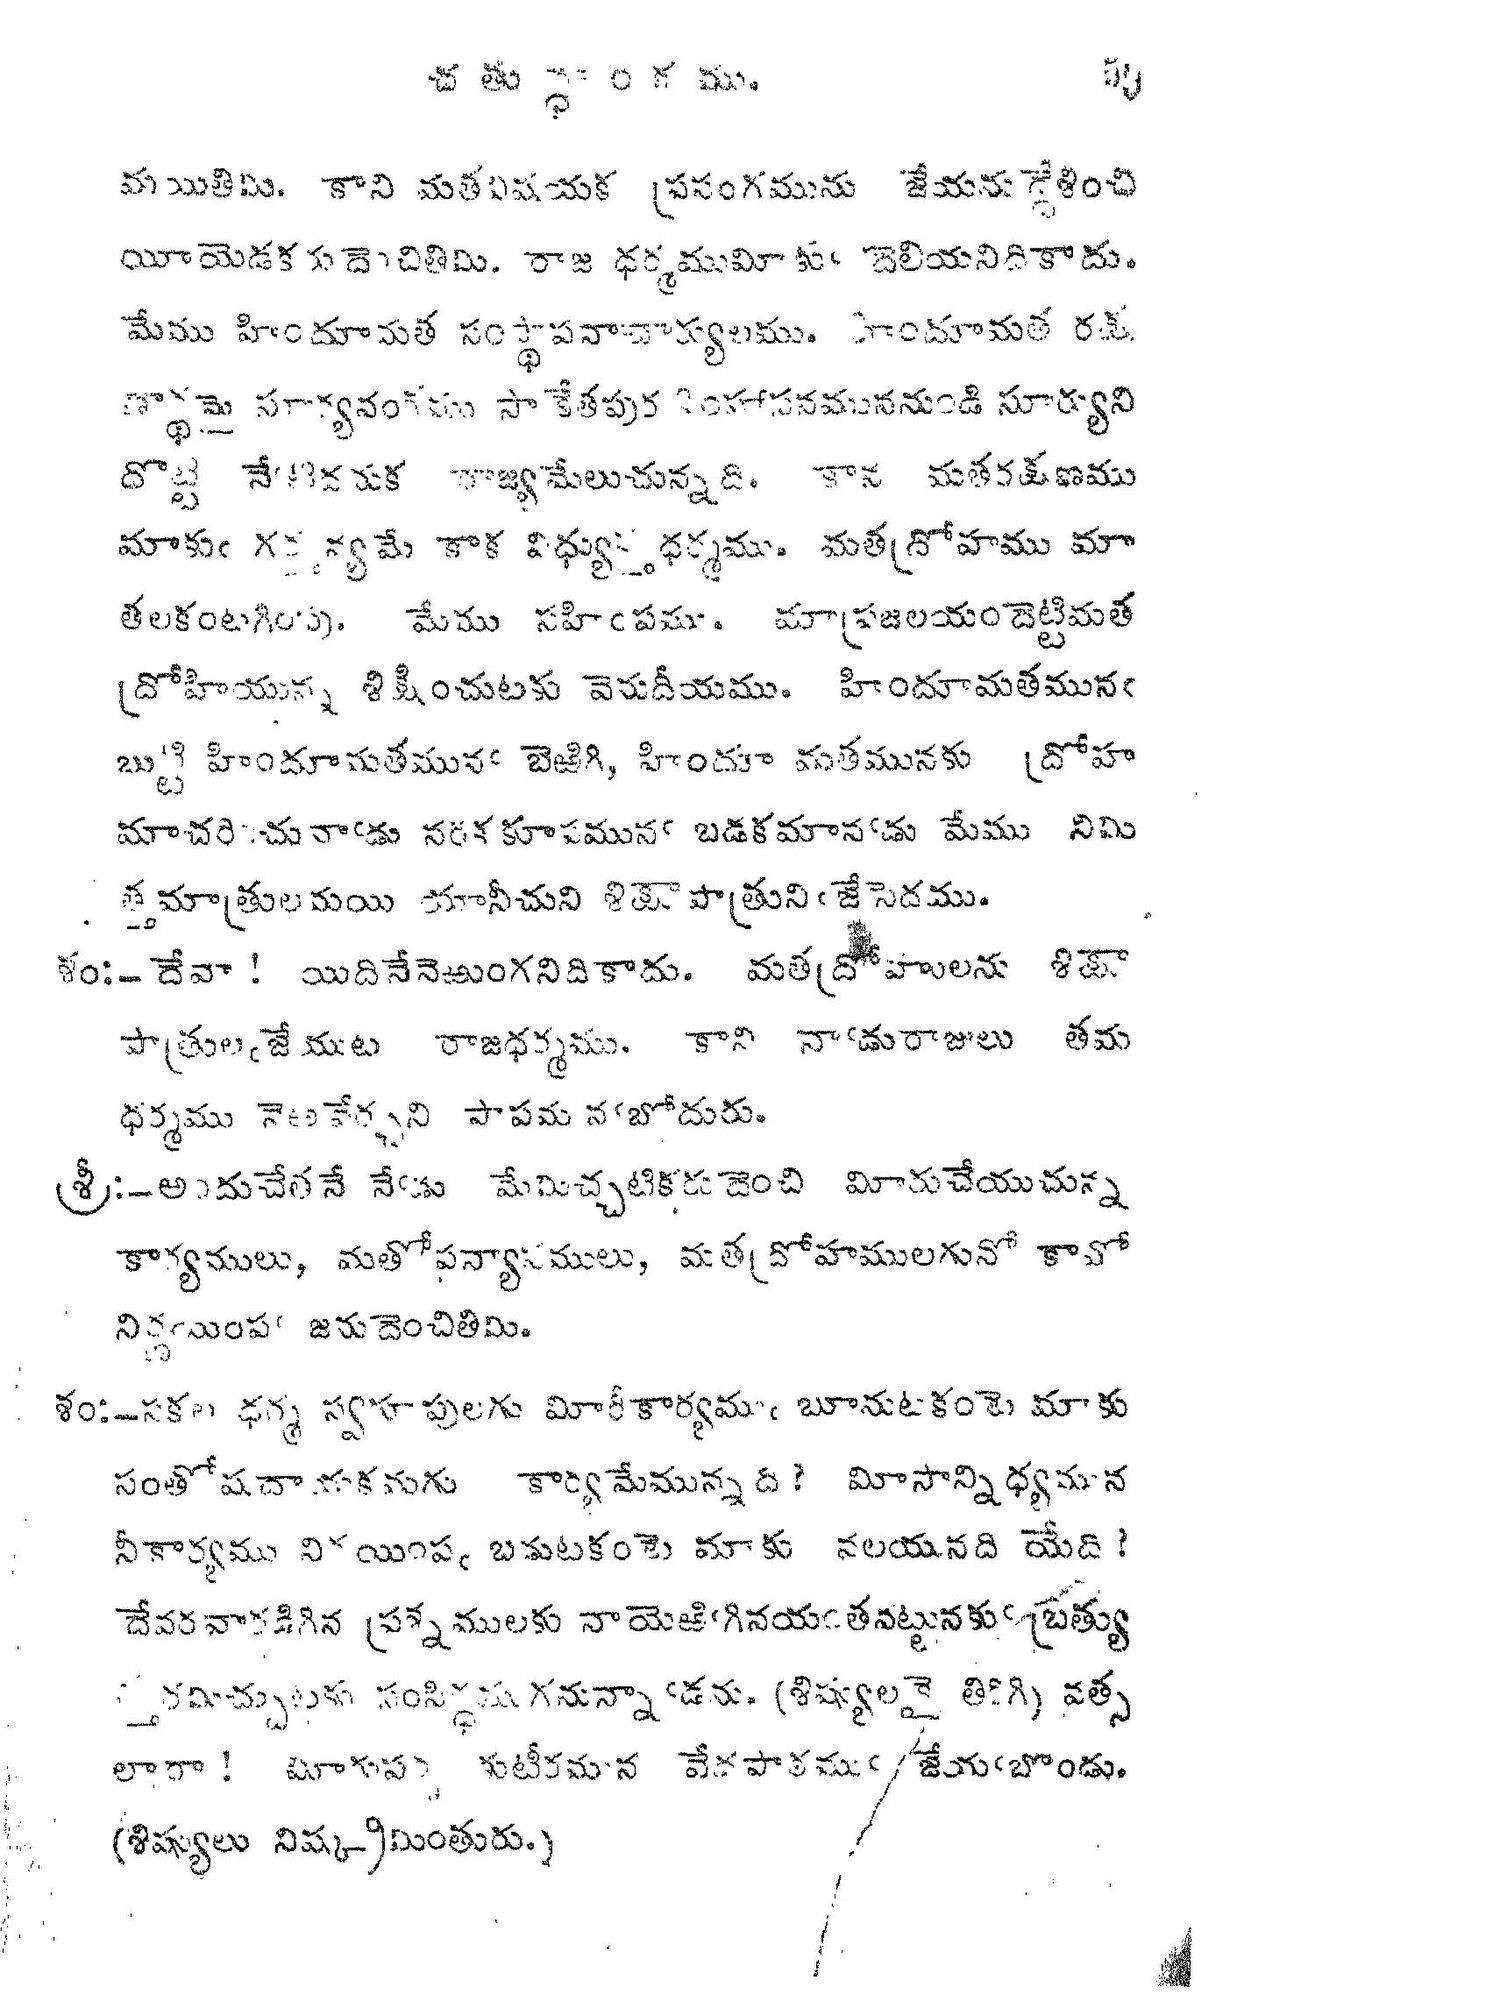మయితిమి. కాని మత విషయక ప్రసంగమును 'జేయనుద్దేశించి
 యీయెడ కరుదెంచితిమి. రాజు ధర్మము మీకు దెలియనిది కాదు.
 మేము హిందూ మత సంస్థాపనాచార్యులము. హిందూమత రక్షణ...
 ణార్దమై సూర్య సంఘము సాకేతపుర సింహాసనమున నుండి సూర్యుని
 దొట్టి నేటిదనుక రాజ్య మేలుచున్నది. కాన మతరక్షణము
 మాకుఁ గర్త్వమే కాక విధ్యు క్తధర్మము. మతద్రోహ మా
 తలకంటగింపు, మేము సహిఁపము. మాప్రజలయం దెట్టిమత
 ద్రోహియున్న శిక్షించుటకు వెనుదీయము. హిందూమతమునఁ
 బుట్టి హిందూమతమునఁ బెఱిగి, హిందూ మతమునకు ద్రోహ
 మాచరించువాడు నరక కూపమునఁ బడకమానడు మేము నిమి
 త్తమాత్రుల మయి యూనీచుని శిక్షాపాత్రుని జేసెదము.

శం:- దేవా ! యిది నేనెఱుంగనిది కాదు. మతద్రోహులను శిక్షా
 పాత్రులు జేయుట రాజధర్మము. కాని నాడు రాజులు తమ
 ధర్మము నెఱవేర్చని పాపమ నంబోదురు.

శ్రీ:- అందుచేతనే నేడు మేమిచ్చటి కరుదెంచి మీరు చేయుచున్న
 కార్యములు, మతోపన్యాసములు, మతద్రోహములగునో కాదో
 నిర్ణయింప జనుదెంచితిమి.

శం:--సకల ధర్మస్వరూపులగు వారీ కార్యమ బూనుట కంటె మా'కు
 సంతోషదాయకమగు కార్య మేమున్నది ! మీసాన్నిధ్యమున
 నీ కార్యము నిర్ణయింప బడుట కంటె మాకు వలయునది యేది?
 దేవర వారడిగిన ప్రశ్నములకు నాయెఱింగిన యంత వట్టునకుఁ బ్రత్యు
 త్తరమి చ్చుటకు సంసిద్దముగ నున్నాడను. (శిష్యులకై తిరిగి) వత్స
 లారా! మీరుపర్ణకుటీరమున వేదపాఠము జేయఁబొండు.

 (శిష్యులు నిష్క్రమింతురు.)